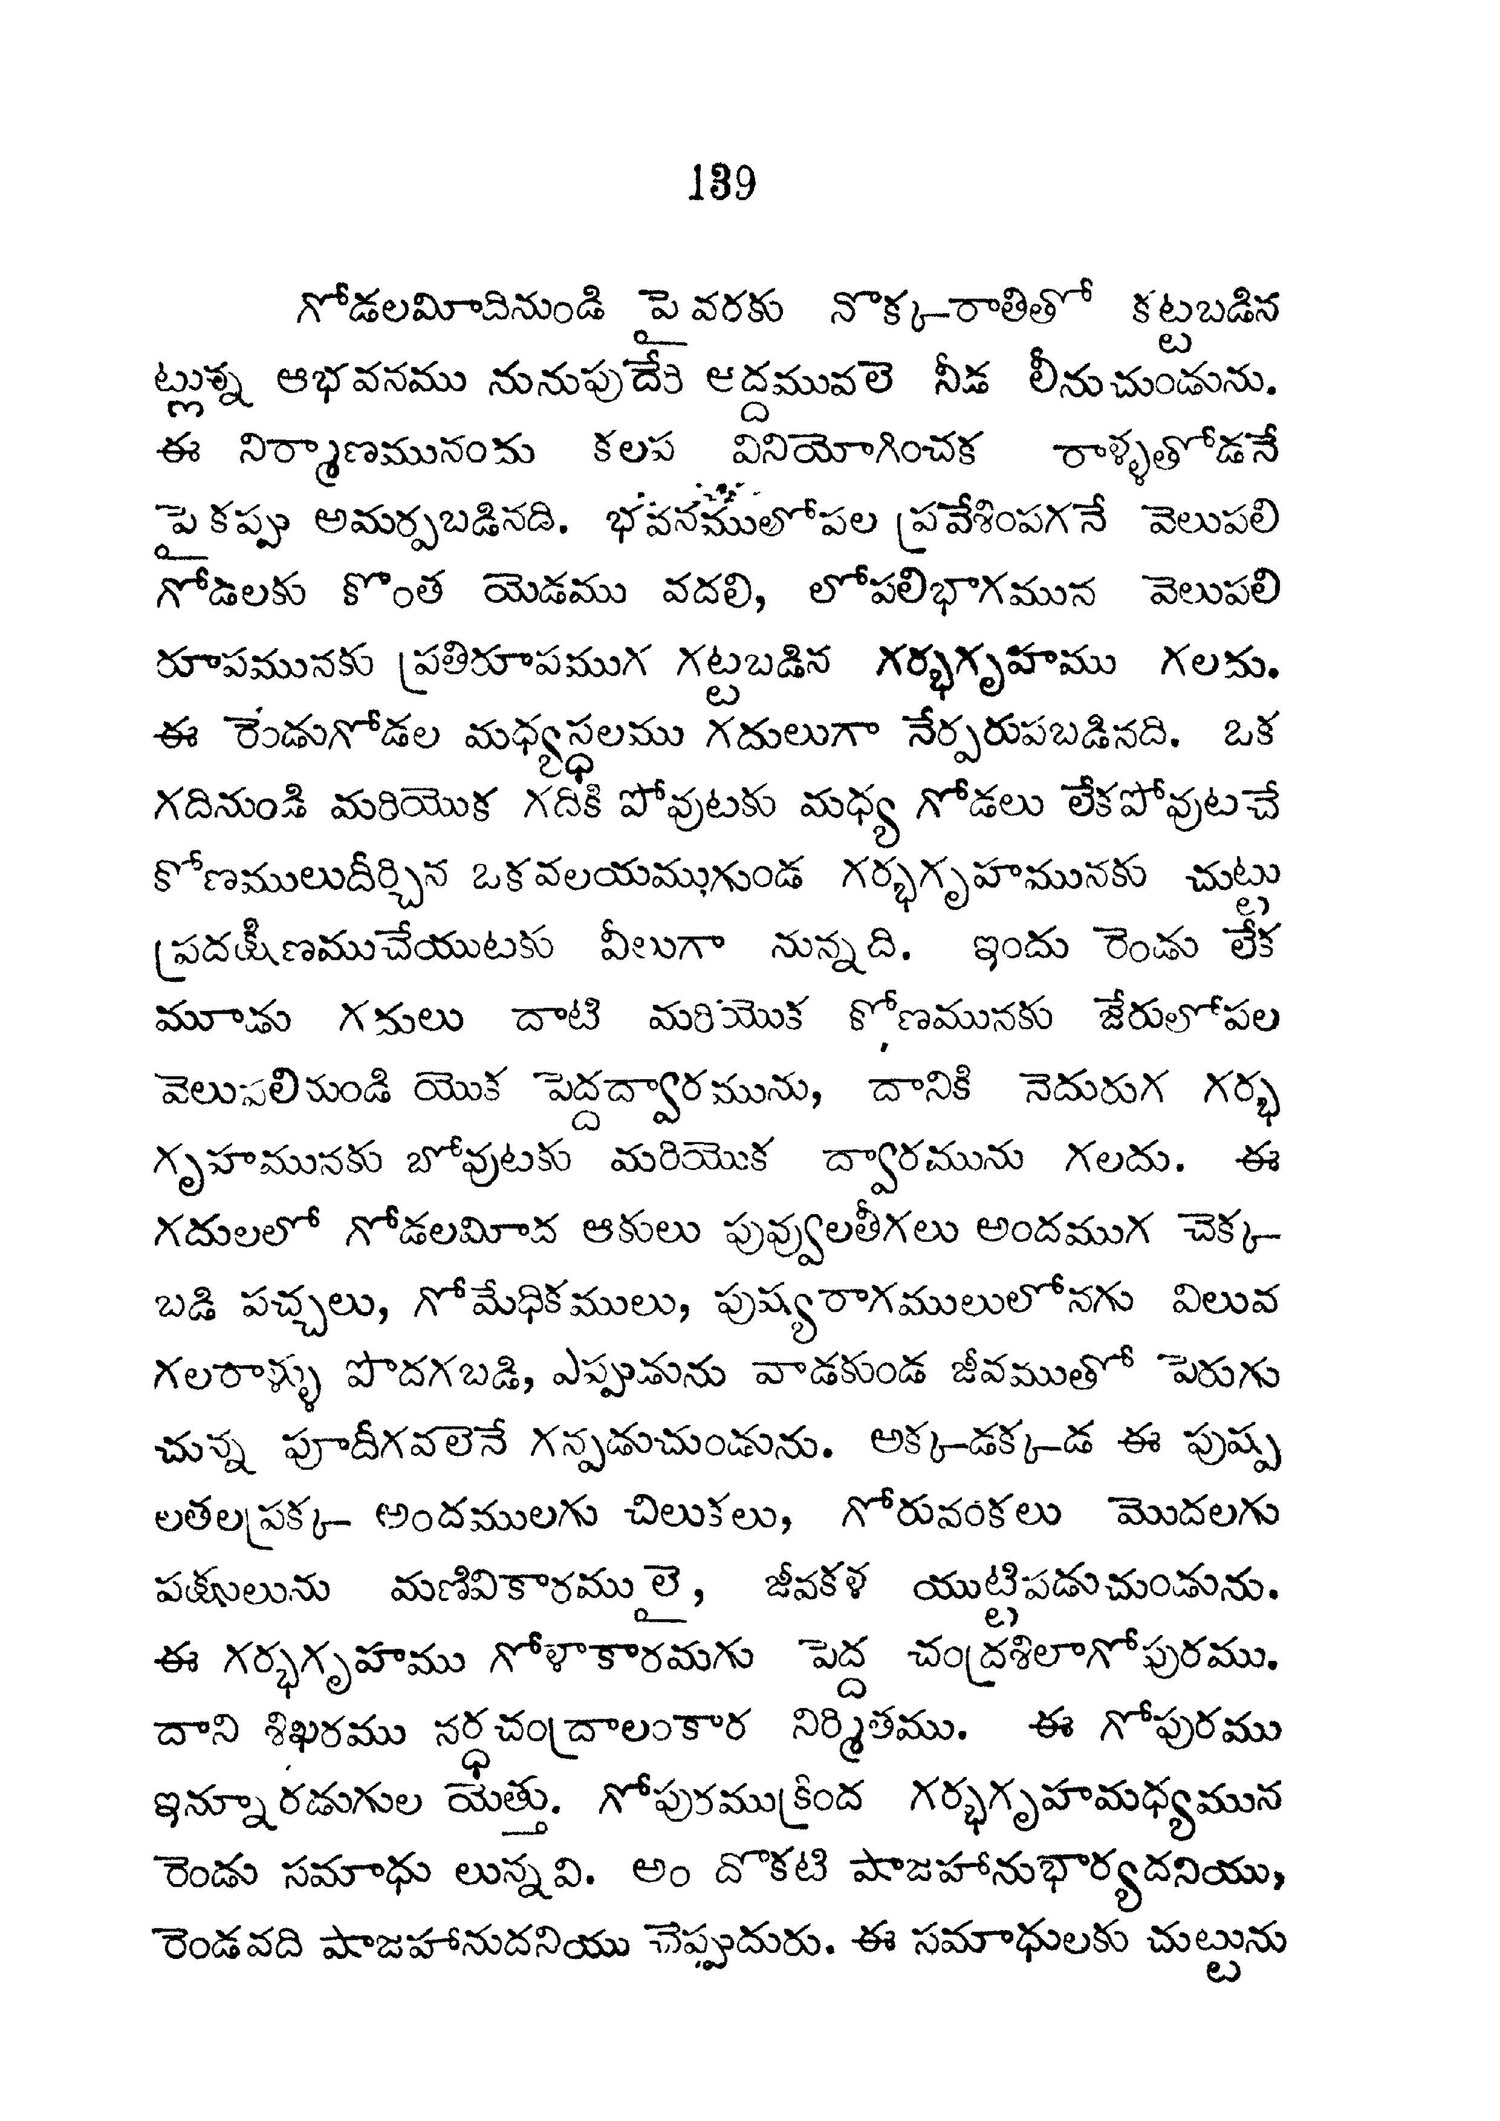గోడలమీదినుండి పైవరకు నొక్కరాతితో కట్టబడినట్లున్న ఆభవనము నునుపుదేరి అద్దమువలె నీడ లీనుచుండును. ఈ నిర్మాణమునందు కలప వినియోగించక రాళ్ళతోడనే పైకప్పు అమర్పబడినది. భవనములోపల ప్రవేశింపగనే వెలుపలి గోడలకు కొంత యెడము వదలి, లోపలిభాగమున వెలుపలి రూపమునకు ప్రతిరూపముగ గట్టబడిన గర్భగృహము గలదు. ఈ రెండుగోడల మధ్యస్థలము గదులుగా నేర్పరుపబడినది. ఒక గదినుండి మరియొక గదికి పోవుటకు మధ్య గోడలు లేకపోవుటచే కోణములుదీర్చిన ఒకవలయముగుండ గర్భగృహమునకు చుట్టు ప్రదక్షిణముచేయుటకు వీలుగా నున్నది.ఇందు రెండు లేక మూడు గదులు దాటి మరియొక కోణమునకు జేరులోపల వెలుపలినుండి యొక పెద్దద్వారమును, దానికి నెదురుగ గర్భగృహమునకు బోవుటకు మరియొక ద్వారమును గలదు. ఈ గదులలో గోడలమీద ఆకులు పువ్వులతీగలు అందముగ చెక్కబడి పచ్చలు, గోమేధికములు, పుష్యరాగములులోనగు విలువగలరాళ్ళు పొదగబడి, ఎప్పుడును వాడకుండ జీవముతో పెరుగుచున్న పూదీగవలెనే గన్పడుచుండును. అక్కడక్కడ ఈ పుష్పలతలప్రక్క అందములగు చిలుకలు, గోరువంకలు మొదలగు పక్షులును మణివికారములై, జీవకళ యుట్టిపడుచుండును. ఈ గర్భగృహము గోళాకారమగు పెద్ద చంద్రశిలాగోపురము. దాని శిఖరము నర్ధచంద్రాలంకార నిర్మితము. ఈ గోపురము ఇన్నూరడుగుల యెత్తు. గోపురముక్రింద గర్భగృహమధ్యమున రెండు సమాధు లున్నవి. అం దొకటి షాజహానుభార్యదనియి, రెండవది షాజహానుదనియు చెప్పుదురు. ఈ సమాధులకు చుట్టును